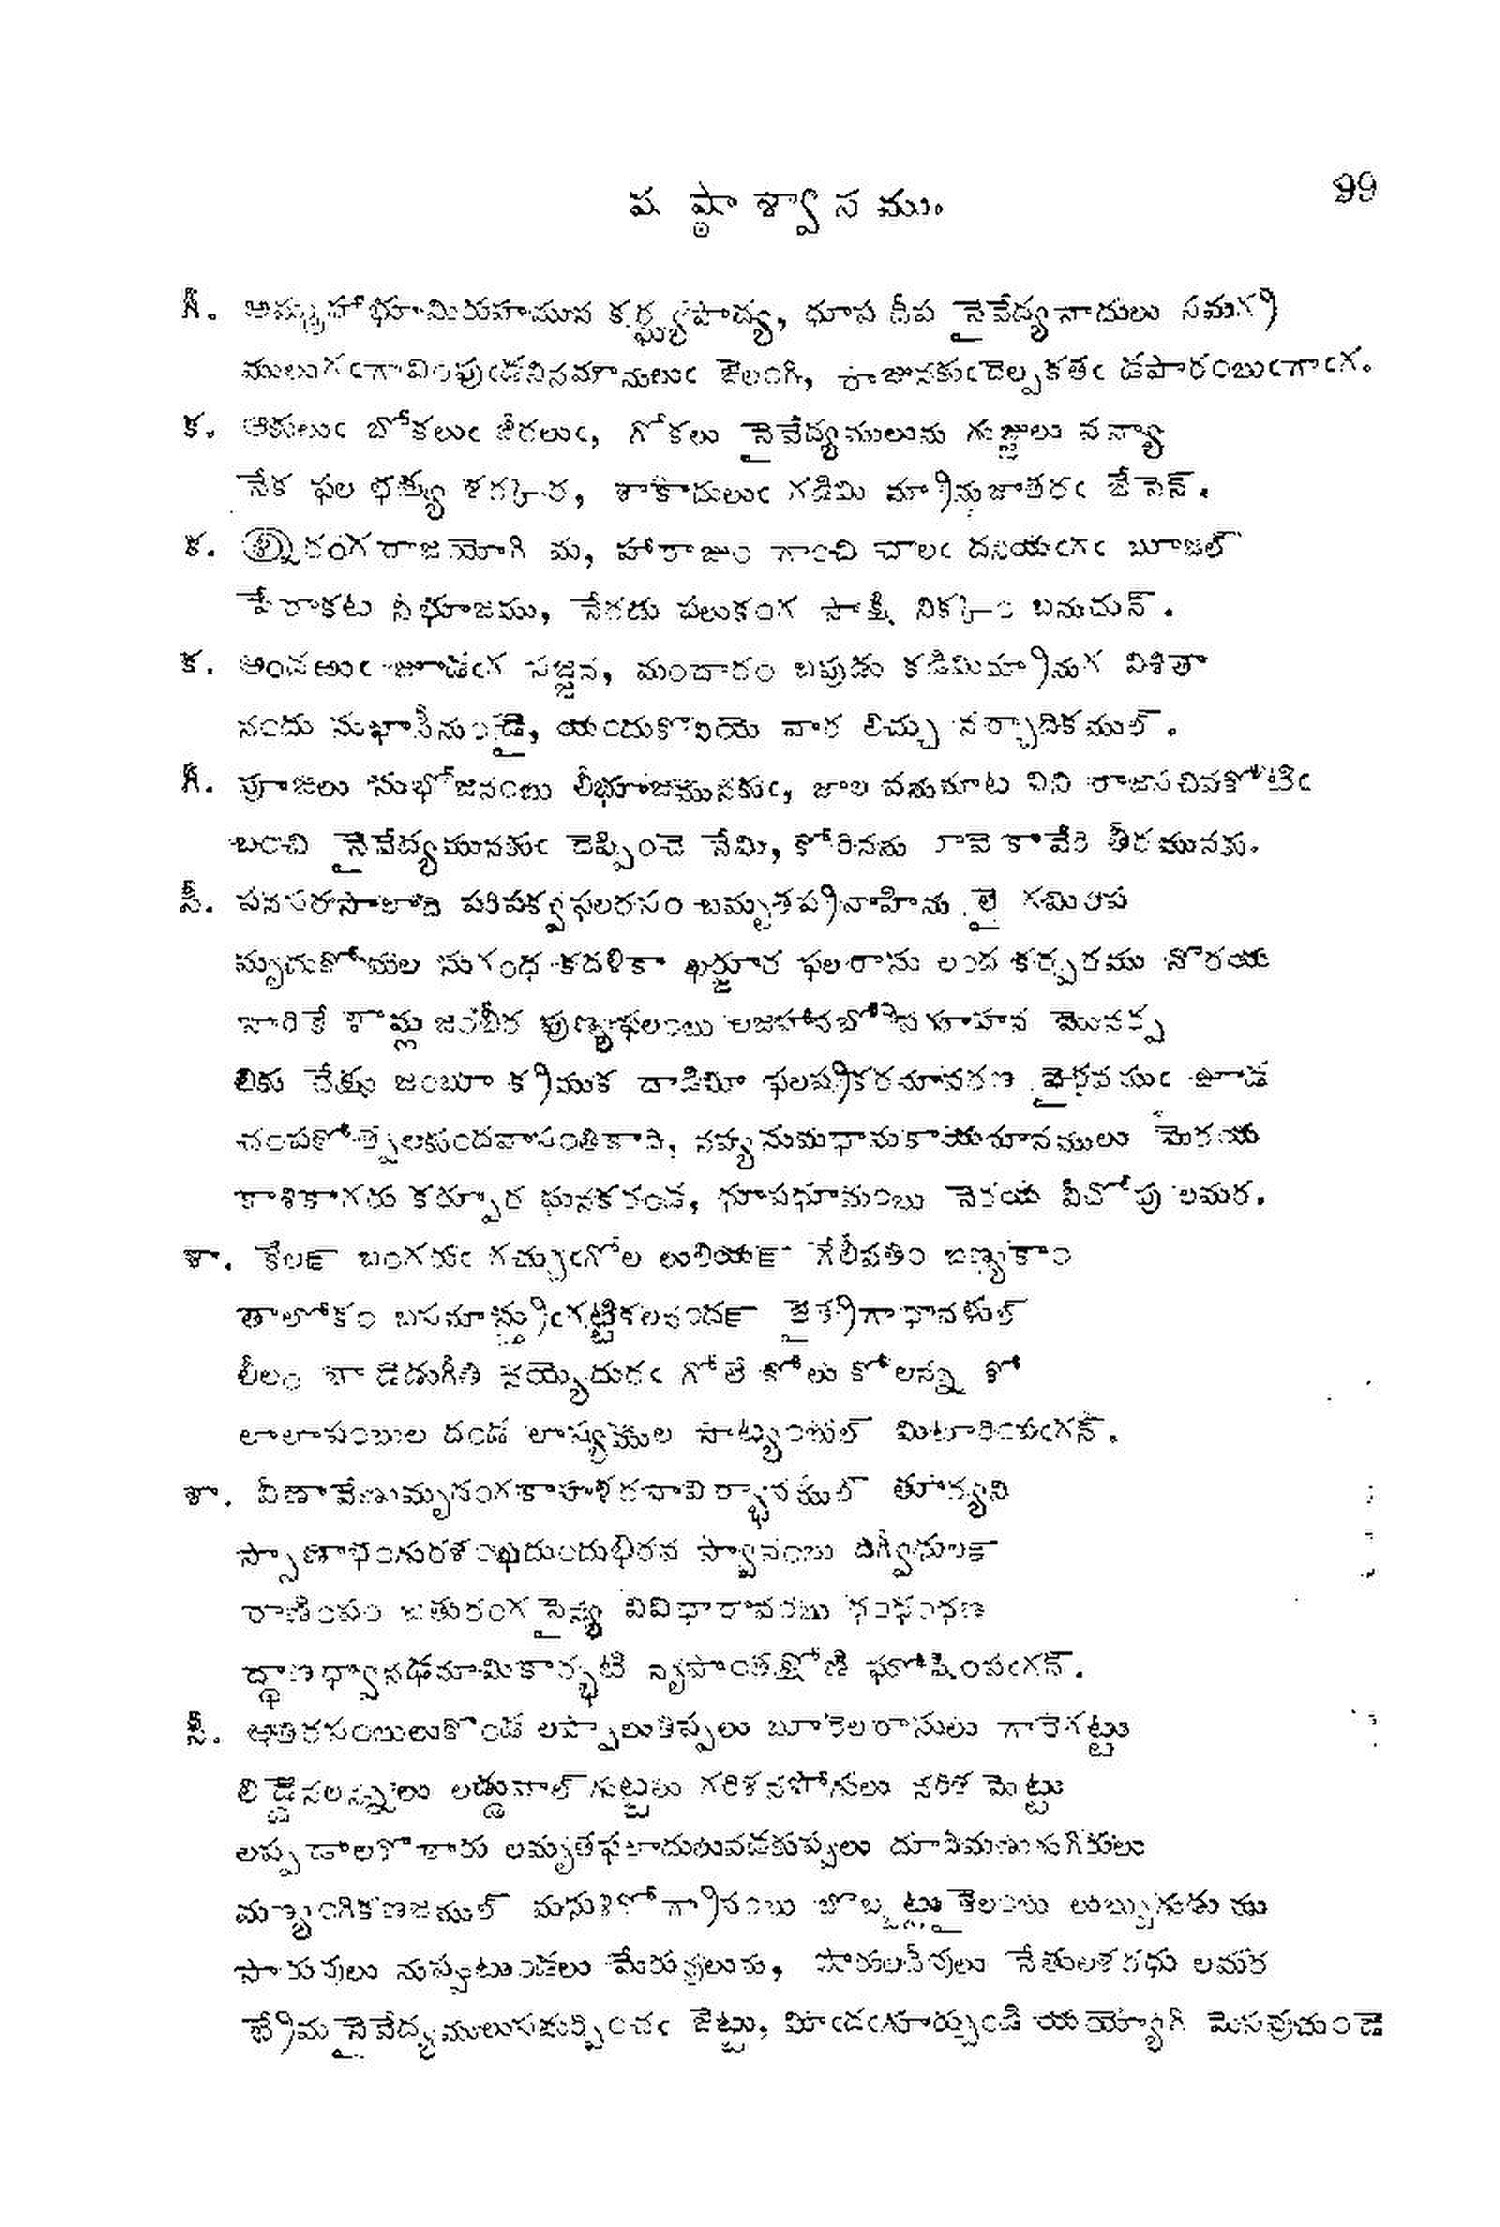గీ. అమ్మహాభూమిరుహమున కర్ఘ్యపాద్య, ధూపదీపనైవేద్యనాదులు సమగ్ర
 ములుగఁ గావింపుడనిన మౌనులుఁ జెలంగి, రాజునకుఁ దెల్ప కతఁ డపారంబుఁగాఁగ.
క. ఆకులుఁ బోకలుఁ జీరలుఁ, గోకలు నైవేద్యములును గుజ్జులు వన్యా
 నేక ఫల భక్ష్య శర్కర, శాకాదులుఁ గడిమి మ్రానుజాతరఁ జేసెన్.
క. శ్రీరంగరాజయోగి మ, హారాజుం గాంచి చాలఁ దనియఁగఁ బూజల్
 పేరాకట నీభూజము, నేరదు పలుకంగ సాక్షి నిక్కం బనుచున్.
క. అందఱుఁ జూడఁగ సజ్జన, మందారం బపుడు కడిమిమ్రానుగ విశితా
 నందు సుఖాసీనుండై, యందుకొనియె వార లిచ్చు నర్చాదికముల్ .
గీ. పూజలు సుభోజనంబు లీభూజమునకుఁ, జాల వనుమాట విని రాజసచివకోటిఁ
 బంచి నైవేద్యమునకుఁ దెప్పించే నేమి, కోరినను రావె కావేరి తీరమునకు.
సీ. పనసరసాలాది పరిపక్వఫలరసం బమృతమవాహిను లై గమింప
 మృదుకోమల సుగంధ కదళికా ఖర్జూర ఫలరాసు లంద కర్పరము నొరయ
 నారికే ళామ్ల జంబీర పుణ్యఫలంబు లజహానబోనిసమాహన మొనర్ప
 లికు దేక్షు జంబూ క్రముక దాడిమీ ఫలప్రకరమావరణ వైభవముఁ జూడ
 చంపకోత్పలకుందవాసంతికాది, నవ్యసుమధామకాయమానములు మెరయ
 కాశికాగరు కర్పూర ఘనకరండ, ధూపధూముంబు నెరయ వీచోపు లమర.
శా. కేలనా బంగరు గచ్చుఁగోల లులియన్ గేలీపతిం బణ్యకాం
 తాలోకం బసమాస్త్రుఁ గట్టికలనందన్ జైత్రగాథాళుల్
 లీలం బాడెడుగీతి నయ్యెదురఁ గోలే కోలు కోలన్న కో
 లాలాపంబుల దండ లాస్యముల నాట్యంబుల్ మిటారింపఁగన్.
శా. వీణావేణుమృదంగకాహళరవావిర్భావముల్ తూర్యని
 స్సాణాభంగురశంఖదుందుభిరవస్వానంబు దిగ్వీథులన్
 రాణింపం జతురంగసైన్య వివిధారావంబు ధంధంధణ
 ద్ధాఁణధ్వానఢమామికార్భటి నృపాంతక్షోణి ఘోషింపఁగన్.
సీ. అతిరసంబులుకొండ లప్పాలుతిప్పలు బూరెలరాసులు గారెగట్టు
 లిడ్డెనలన్నలు లడ్డువాల్ గుట్టలు గరిశవపోగులు నరిశ మెట్టు
 లప్ప డాలకొఠారు లమృతఫలాదులు వడకుప్పలు దూదిమణుగుగిరులు
 మణ్యంగికణజముల్ మధుశిరోగ్రాసంబు బొబ్బట్లు శైలంబు లుబ్బుకుడుము
 సారువులు నుప్పుటుండలు మేరువులు ను, షారులదీవులు నేతులశరధు లమర
 బ్రేమ నైవేద్యములు సమర్పించఁ జెట్టు, మీఁదఁ గూర్చుండి యయ్యోగి మెసవుచుండె.